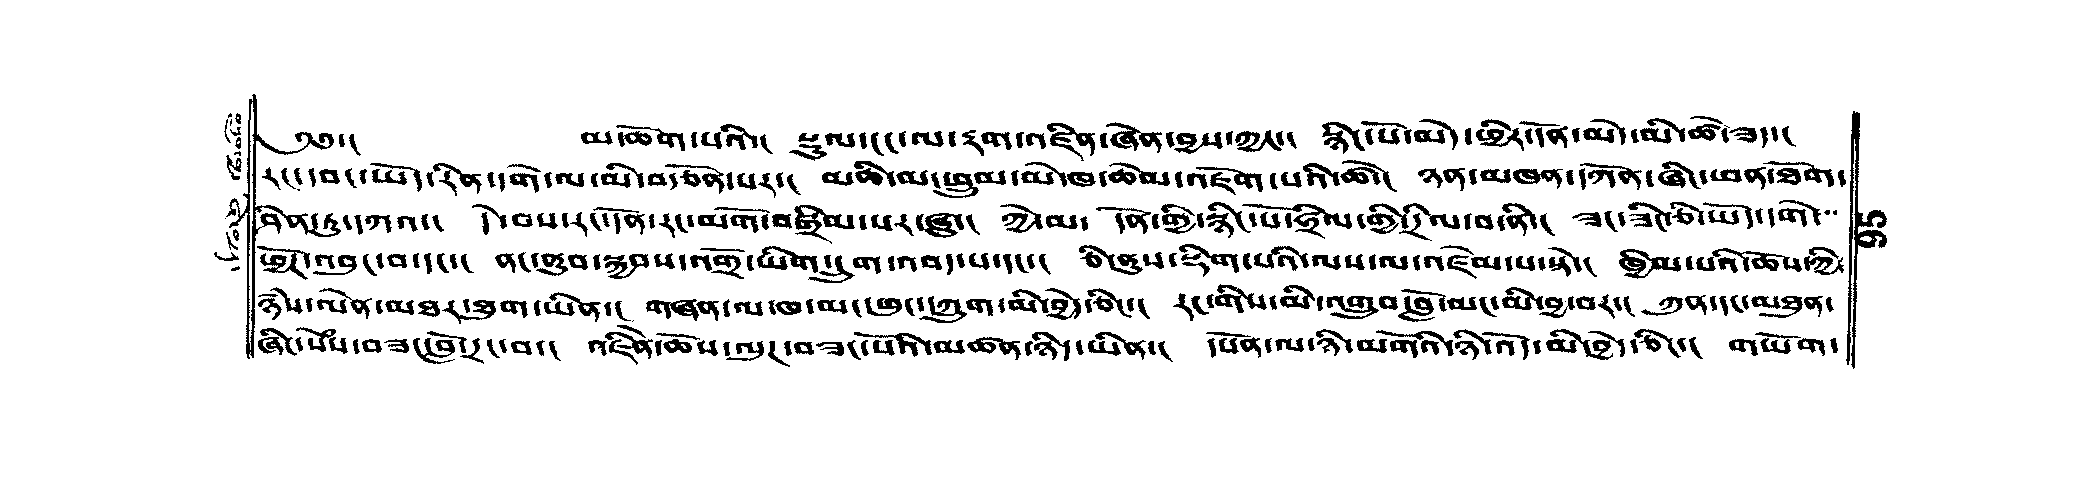མ་ཆོག་པའི། །སྡུག་བསྔལ་ངང་ལ་རྟག་འཛིན་ཞེན་བྱས་ཀྱང་། །སྙིང་པོ་མེད་ཕྱིར་དོན་མེད་མི་ཚེ་ཟད། །
རང་དབང་ཡོད་རིང་དགེ་ལ་མི་བརྩོན་པར། །མཆི་མ་ཕྲུམ་མེ་ཁ་ཆེམས་འཇོག་པའི་ཚེ། །ཉན་མཁན་དཀོན་ཞིང་ཕན་ཐོག་
ཤིན་ཏུ་དཀའ། །དེ་བས་རང་དོན་རང་མགོ་བསྒྲིམ་པར་ཞུ།ཀྱེ་མ། དོན་གྱི་སྙིང་པོ་ཧྲིལ་གྱི་དྲིལ་བ་ནི། །ཟང་ཟིང་ཅི་ཡོད་དགེ་
ཕྱོགས་འབུང་བ་དང་། །ནང་ནུབ་སྐྱབས་འགྲོ་དགེ་ལ་འབད་པ་དང་། །ཅི་ནུས་སྡིག་པའི་ལས་ལ་འཛེམ་པ་སྟེ། །ཁྱིམ་པའི་ཆོས་ཀྱི་
ཉམས་ལེན་མཐར་ཐུག་ཡིན། །གཞན་ལ་ཁ་མང་ཕུང་དཀྲུག་མི་བྱེད་ཅིང་། །རང་གིས་མི་འགྲུབ་བློ་མང་མི་བྱ་བར། །ཀུན་དང་མཐུན་
ཞིང་སེམས་བཟང་བློ་དྲང་བ། །འཇིག་རྟེན་ཆོས་ལུགས་བཟང་པོའི་མཚན་ཉིད་ཡིན། །དཔོན་ལ་ཉི་མགོའི་ཉི་འོད་མི་བྱེད་ཅིང་། །གཡོག་